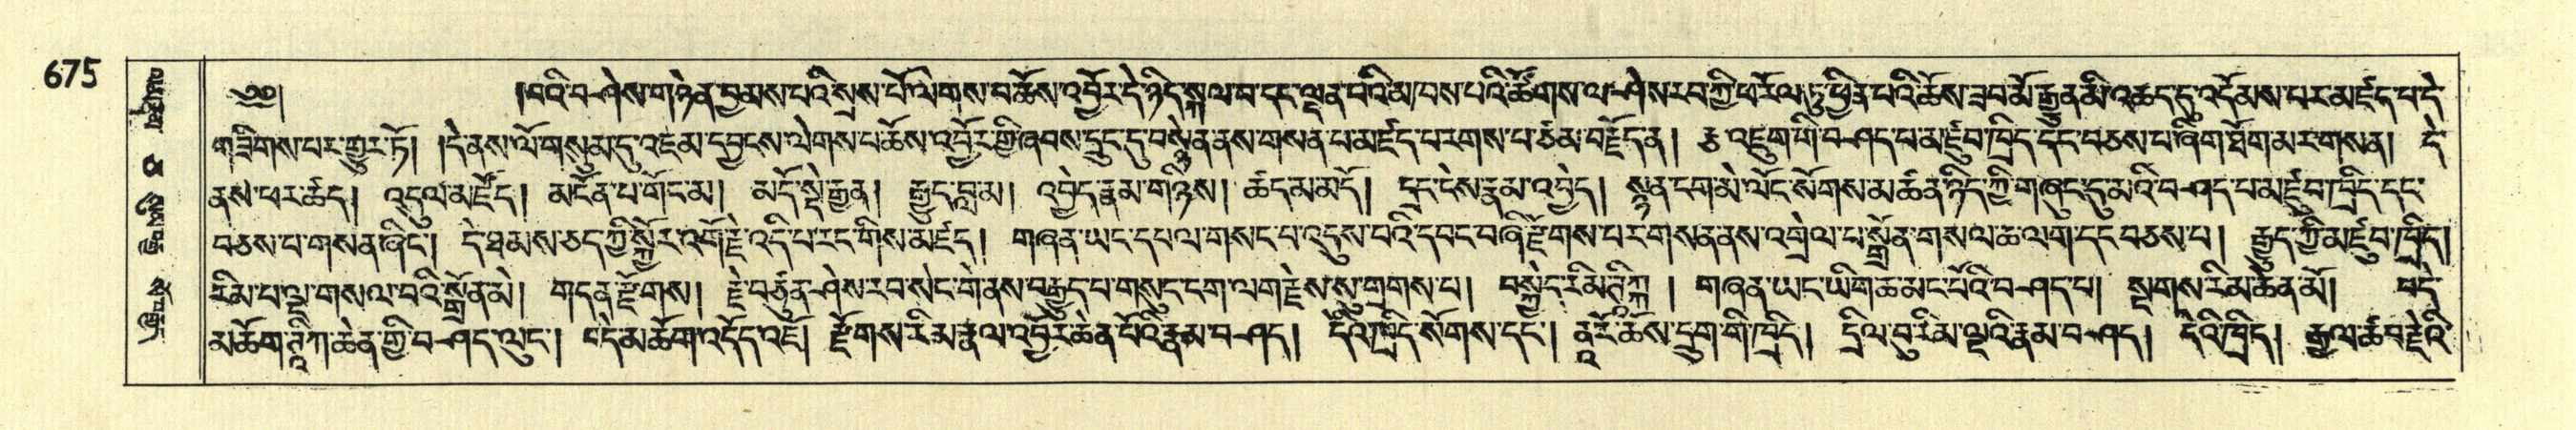༄༅། །བའི་བཤེས་གཉེན་བྱམས་པའི་སྲས་པོ་ལེགས་བ་ཆོས་འབྱོར་དེ་ཉིད་སྐལ་བ་དང་ལྡན་པའི་མཁས་པའི་ཚོགས་ལ་ཤེས་རབ་ཀྱི་ཕ་རོལ་ཏུ་ཕྱིན་པའི་ཆོས་ཟབ་མོ་རྒྱུན་མི་འཆད་དུ་འདོམས་པར་མཛད་པ་དེ་
གཟིགས་པར་གྱུར་ཏོ། །དེ་ནས་ལོ་གསུམ་དུ་འཇམ་དབྱངས་ལེགས་པ་ཆོས་འབྱོར་གྱི་ཞབས་དྲུང་དུ་བསྙེན་ནས་གསན་པ་མཛད་པ་རགས་པ་ཙམ་བརྗོད་ན། རྩ་འཇུག་གི་བཤད་པ་མཛུབ་ཁྲིད་དང་བཅས་པ་ཞིག་ཐོག་མར་གསན། དེ་
ནས་ཕར་ཚད། འདུལ་མཛོད། མངོན་པ་གོང་མ། མདོ་སྡེ་རྒྱན། རྒྱུད་བླ་མ། འབྱེད་རྣམ་གཉིས། ཚད་མ་མདོ། དྲང་ངེས་རྣམ་འབྱེད། སྙན་ངག་མེ་ལོང་སོགས་མཚན་ཉིད་ཀྱི་གཞུང་དུ་མའི་བཤད་པ་མཛུབ་ཁྲིད་དང་
བཅས་པ་གསན་ཞིང་། དེ་ཐམས་ཅད་ཀྱི་སྐྱོར་འགོ་རྗེ་འདི་པ་རང་གིས་མཛད། གཞན་ཡང་དཔལ་གསང་པ་འདུས་པའི་དབང་བཞི་རྫོགས་པར་གསན་ནས་འགྲེལ་པ་སྒྲོན་གསལ་ཆ་ལག་དང་བཅས་པ། རྒྱུད་ཀྱི་མཛུབ་ཁྲིད།
རིམ་པ་ལྔ་གསལ་བའི་སྒྲོན་མེ། གདན་རྫོགས། རྗེ་བཙུན་ཤེས་རབ་སེང་གེ་ནས་བརྒྱུད་པ་གསུང་ངག་ལག་རྗེས་སུ་གྲགས་པ། བསྐྱེད་རིམ་ཊཱིཀྐ། གཞན་ཡང་ཡིག་ཆ་མང་པོའི་བཤད་པ། སྔགས་རིམ་ཆེན་མོ། བདེ་
མཆོག་ཊཱིཀྐ་ཆེན་གྱི་བཤད་ལུང་། བདེ་མཆོག་འདོད་འཇོ། རྫོགས་རིམ་རྣལ་འབྱོར་ཆེན་པོའི་རྣམ་བཤད། དེའི་ཁྲིད་སོགས་དང་། ནཱ་རོ་ཆོས་དྲུག་གི་ཁྲིད། དྲིལ་བུ་རིམ་ལྔའི་རྣམ་བཤད། དེའི་ཁྲིད། རྒྱལ་ཚབ་རྗེའི་